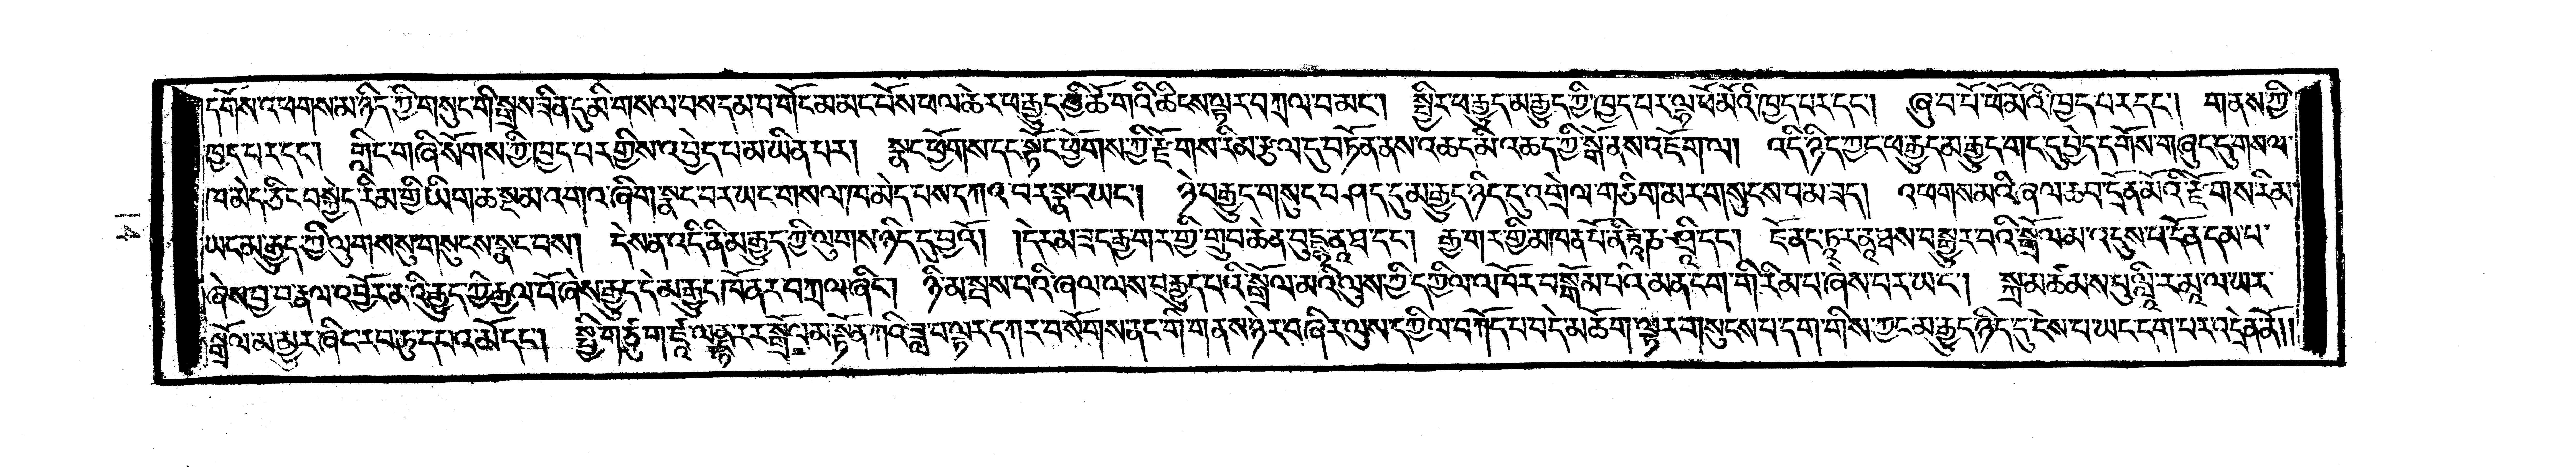དགོས་འཕགས་མ་ཉིད་ཀྱི་གསུང་གི་སྒྲས་ཟིན་དུ་མི་གསལ་བས་དམ་པ་གོང་མ་མང་པོས་ཕལ་ཆེར་ཕ་རྒྱུད་ཀྱི་ཆོ་གའི་ཆིངས་ལྟར་བཀྲལ་བ་མང་། སྤྱིར་ཕ་རྒྱུད་མ་རྒྱུད་ཀྱི་ཁྱད་པར་ལྷ་ཕོ་མོའི་ཁྱད་པར་དང་། ཞུ་བ་བོ་ཕོ་མོའི་ཁྱད་པར་དང་། གནས་ཀྱི་
ཁྱད་པར་དང་། གླེང་གཞི་སོགས་ཀྱི་ཁྱད་པར་གྱིས་འབྱེད་པ་མ་ཡིན་པར། སྣང་ཕྱོགས་དང་སྟོང་ཕྱོགས་ཀྱི་རྫོགས་རིམ་རྩལ་དུ་བཏོན་ནས་འཆད་མི་འཆད་ཀྱི་སྒོ་ནས་འཇོག་ལ། འདི་ཉིད་ཀྱང་ཕ་རྒྱུད་མ་རྒྱུད་གང་དུ་བྱེད་དགོས་གཞུང་དུ་གསལ་
ཁ་མེད་ཅིང་བསྐྱེད་རིམ་གྱི་ཡིག་ཆ་སྔ་མ་འགའ་ཞིག་སྣང་བར་ཡང་གསལ་ཁ་མེད་པས་དཀའ་བར་སྣང་ཡང་། ཉེ་བརྒྱུད་གསུང་བཤད་དུ་མ་རྒྱུད་ཉིད་དུ་འགྲེལ་གཅིག་མར་གསུངས་པ་མ་ཟད། འཕགས་མའི་ཞལ་ཆབ་དྲོན་མོའི་རྫོགས་རིམ་
ཡང་མ་རྒྱུད་ཀྱི་ལུགས་སུ་གསུངས་སྣང་བས། དེས་ན་འདི་ནི་མ་རྒྱུད་ཀྱི་ལུགས་ཉིད་དུ་བྱའོ། །དེར་མ་ཟད་རྒྱ་གར་གྱི་གྲུབ་ཆེན་བུདྡྷ་ནཱ་ཐ་དང་། རྒྱ་གར་གྱི་མཁན་པོ་ནིརྦཱ་ཎ་ཤྲཱི་དང་། ཇོ་ནང་ཏཱ་ར་ནཱ་ཐས་བསྒྱུར་བའི་སྒྲོལ་མ་འདུས་པ་དོན་དམ་པ་
ཞེས་བྱ་བ་རྣལ་འབྱོར་མའི་རྒྱུད་ཀྱི་རྒྱལ་པོ་ཞེས་རྒྱུད་དེ་མ་རྒྱུད་ཁོ་ནར་བཀྲལ་ཞིང་། ཉི་མ་སྦས་པའི་ཞལ་ལས་བརྒྱུད་པའི་སྒྲོལ་མའི་ལུས་ཀྱི་དཀྱིལ་འཁོར་བསྒོམ་པའི་མན་ངག་གི་རིམ་པ་ཞེས་པར་ཡང་། སྐྲ་མཚམས་བུལླི་ར་མཱ་ལ་ཡར་
སྒྲོལ་མ་མྱུར་ཞིང་རབ་ཏུ་དཔའ་མོ་དང་། སྤྱི་གཙུག་ཛཱ་ལནྡྷ་རར་སྒྲོལ་མ་སྟོན་ཀའི་ཟླ་བ་ལྟར་དཀར་བ་སོགས་ནང་གི་གནས་ཉེར་བཞིར་ལུས་དཀྱིལ་བཀོད་པ་བདེ་མཆོག་ལྟར་གསུངས་པ་དག་གིས་ཀྱང་མ་རྒྱུད་ཉིད་དུ་ངེས་པ་ཡང་དག་པར་འདྲེན་ནོ། །